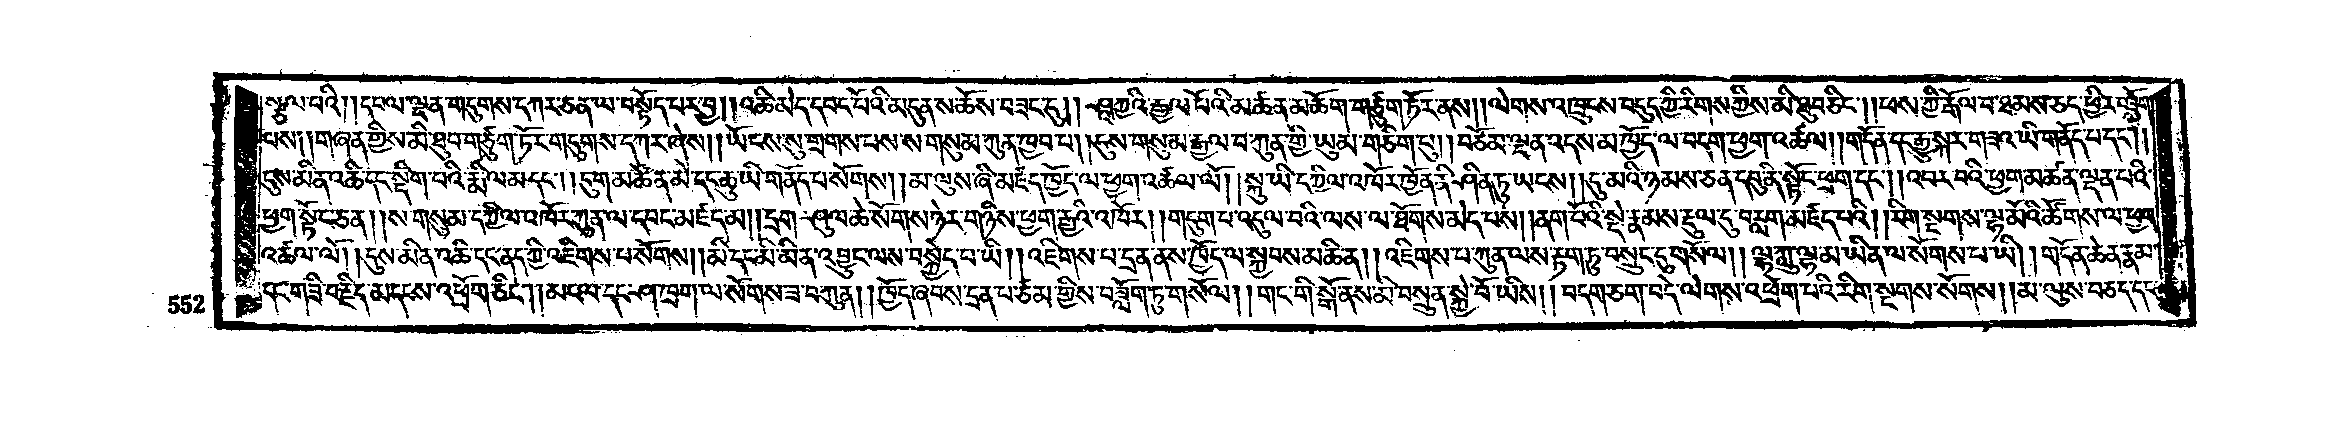སྩལ་པའི། །དཔལ་ལྡན་གདུགས་དཀར་ཅན་ལ་བསྟོད་པར་བྱ། །འཆི་མེད་དབང་པོའི་མདུན་ས་ཆོས་བཟང་དུ། །ཤཱཀྱའི་རྒྱལ་པོའི་མཚན་མཆོག་གཙུག་ཏོར་ནས། །ལེགས་འཁྲུངས་བདུད་ཀྱི་རིགས་ཀྱིས་མི་ཐུབ་ཅིང་། །ཕས་ཀྱི་རྒོལ་བ་ཐམས་ཅད་ཕྱིར་བཟློག་
པས༑ ༑གཞན་གྱིས་མི་ཐུབ་གཙུག་ཏོར་གདུགས་དཀར་ཞེས། །ཡོངས་སུ་གྲགས་པས་ས་གསུམ་ཀུན་ཁྱབ་པ། །དུས་གསུམ་རྒྱལ་བ་ཀུན་གྱི་ཡུམ་གཅིག་པུ། །བཅོམ་ལྡན་འདས་མ་ཁྱོད་ལ་བདག་ཕྱག་འཚལ། །གདོན་དང་རྒྱུ་སྐར་གཟའ་ཡི་གནོད་པ་དང་། །
དུས་མིན་འཆི་དང་སྡིག་པའི་རྨི་ལམ་དང་། །དུག་མཚོན་མེ་དང་ཆུ་ཡི་གནོད་པ་སོགས། །མ་ལུས་ཞི་མཛད་ཁྱོད་ལ་ཕྱག་འཚལ་ལོ། །སྐུ་ཡི་དཀྱིལ་འཁོར་ཁྱོན་ནི་ཤིན་ཏུ་ཡངས། །དུ་མའི་ཉམས་ཅན་དབུ་ནི་སྟོང་ཕྲག་དང་། །འབར་བའི་ཕྱག་མཚན་ལྡན་པའི་
ཕྱག་སྟོང་ཅན། །ས་གསུམ་དཀྱིལ་འཁོར་ཀུན་ལ་དབང་མཛད་མ། །དྲག་ཤུལ་ཆེ་སོགས་ཉེར་གཉིས་ཕྱག་རྒྱའི་འཁོར། །གདུག་པ་འདུལ་བའི་ལས་ལ་ཐོགས་མེད་པས། །ནག་པོའི་སྡེ་རྣམས་རྡུལ་དུ་བརླག་མཛད་པའི། །རིག་སྔགས་ལྷ་མོའི་ཚོགས་ལ་ཕྱག་
འཚལ་ལོ། །དུས་མིན་འཆི་དང་ནད་ཀྱི་འཇིགས་པ་སོགས། །མི་དང་མི་མིན་འབྱུང་ལས་བསྐྱེད་པ་ཡི། །འཇིགས་པ་དྲན་ནས་ཁྱོད་ལ་སྐྱབས་མཆི་ན། །འཇིགས་པ་ཀུན་ལས་རྟག་ཏུ་བསྲུང་དུ་གསོལ། །ལྷ་ཀླུ་ལྷ་མ་ཡིན་ལ་སོགས་པ་ཡི། །གདོན་ཆེན་རྣམས་
དང་གཟི་བརྗིད་མདངས་འཕྲོག་ཅིང་། །མངལ་དང་ཤ་ཁྲག་ལ་སོགས་ཟ་བ་ཀུན། །ཁྱོད་ཞབས་དྲན་པ་ཙམ་གྱིས་བཟློག་ཏུ་གསོལ། །གང་གི་སྒོ་ནས་མི་བསྲུན་སྐྱེ་བོ་ཡིས། །བདག་ཅག་བདེ་ལེགས་འཕྲོག་པའི་རིག་སྔགས་སོགས། །མ་ལུས་བཅད་དང་